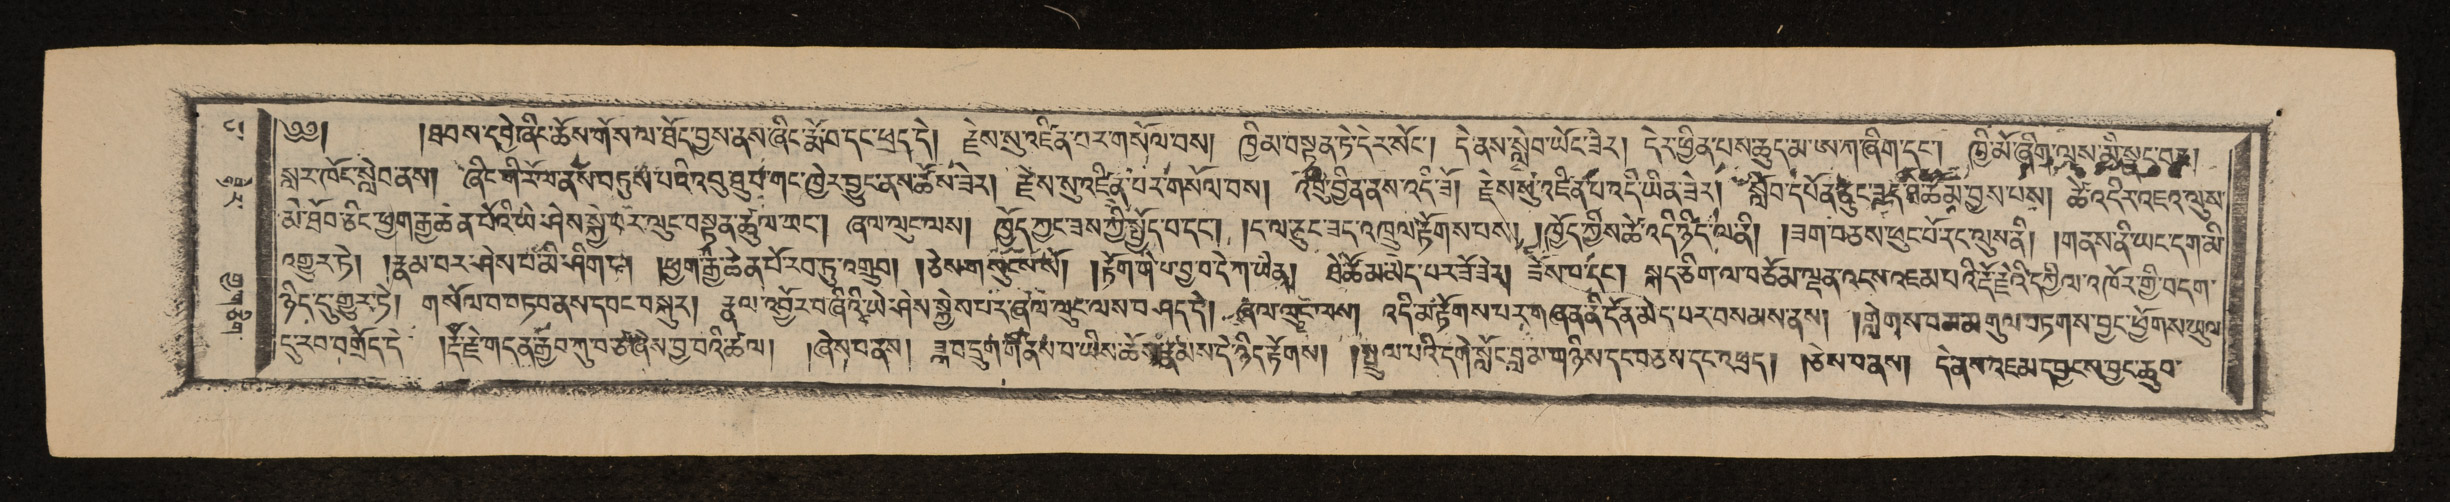༄༅། །ཐབས་དབྱེ་ཞིང་ཆོས་གོས་ལ་ཐོད་བྱས་ནས་ཞིང་རྨོ་བ་དང་ཕྲད་དེ། རྗེས་སུ་འཛིན་པར་གསོལ་བས། ཁྱིམ་བསྟན་ཏེ་དེར་སོང་། དེ་ནས་སླེབ་ཡོད་ཟེར། དེར་ཕྱིན་པས་ཆུང་མ་ཨ་ཀ་ཞིག་དང་། ཁྱི་མོ་ཞིག་ལས་མི་སྣང་བར།
སླར་ཁོང་སླེབ་ནས། ཞིང་གི་རོལ་ནས་བཏུས་པའི་འབུ་ཐུབ་གང་ཁྱེར་བྱུང་ནས་ཚོས་ཟེར། རྗེས་སུ་འཛིན་པར་གསོལ་བས། འབུ་བྱིན་ནས་འདི་ཟོ། རྗེས་སུ་འཛིན་པ་འདི་ཡིན་ཟེར། སློབ་དཔོན་ཅུང་ཟད་ཐེ་ཚོམ་བྱས་པས། ཚེ་འདིར་འཇའ་ལུས་
མི་ཐོབ་ཅིང་ཕྱག་རྒྱ་ཆེན་པོའི་ཡེ་ཤེས་སྐྱེ་བར་ལུང་བསྟན་ཚུལ་ཡང་། ཞལ་ལུང་ལས། ཁྱོད་ཀྱང་ཟས་ཀྱི་སྤྱོད་པ་དང་། །ང་ལ་ཅུང་ཟད་འཁྲུལ་རྟོགས་པས། །ཁྱོད་ཀྱིས་ཚེ་འདི་ཉིད་ལ་ནི། །ཟག་བཅས་ཕུང་པོ་རང་ལུས་ནི། །གནས་ནི་ཡང་དག་མི་
འགྱུར་ཏེ། །རྣམ་པར་ཤེས་པ་མི་ཤིག་པ། །ཕྱག་རྒྱ་ཆེན་པོ་རབ་ཏུ་འགྲུབ། །ཅེས་གསུངས་སོ། །རྟོག་གེ་པ་བྱ་བ་དེ་ཀ་ཡིན། ཐེ་ཚོམ་མེད་པར་ཟོ་ཟེར། ཟོས་པ་དང་། སྐད་ཅིག་ལ་བཅོམ་ལྡན་འདས་འཇམ་པའི་རྡོ་རྗེའི་དཀྱིལ་འཁོར་གྱི་བདག་
ཉིད་དུ་གྱུར་ཏེ། གསོལ་བ་བཏབ་ནས་དབང་བསྐུར། རྣལ་འབྱོར་བཞིའི་ཡེ་ཤེས་སྐྱེས་པར་ཞལ་ལུང་ལས་བཤད་དེ། ཞལ་ལུང་ལས། འདི་མ་རྟོགས་པར་གཞན་ནི་དོན་མེད་པར་བསམས་ནས། །གླེགས་བམ་མགུལ་བཏགས་བྱང་ཕྱོགས་ཡུལ་
དུ་རབ་བགྲོད་དེ། །རྡོ་རྗེ་གདན་རྒྱབ་ཀུ་བ་ཙ་ཞེས་བྱ་བའི་ཚ་ལ། །ཞེས་པ་ནས། ཟླ་བ་དྲུག་གནས་པ་ཡིས་ཆོས་རྣམས་དེ་ཉིད་རྟོགས། །སྤྲུལ་པའི་དགེ་སློང་བླ་མ་གཉིས་དང་བཅས་དང་འཕྲད། །ཅེས་པ་ནས། དེ་ནས་འཇམ་དབྱངས་བྱང་ཆུབ་